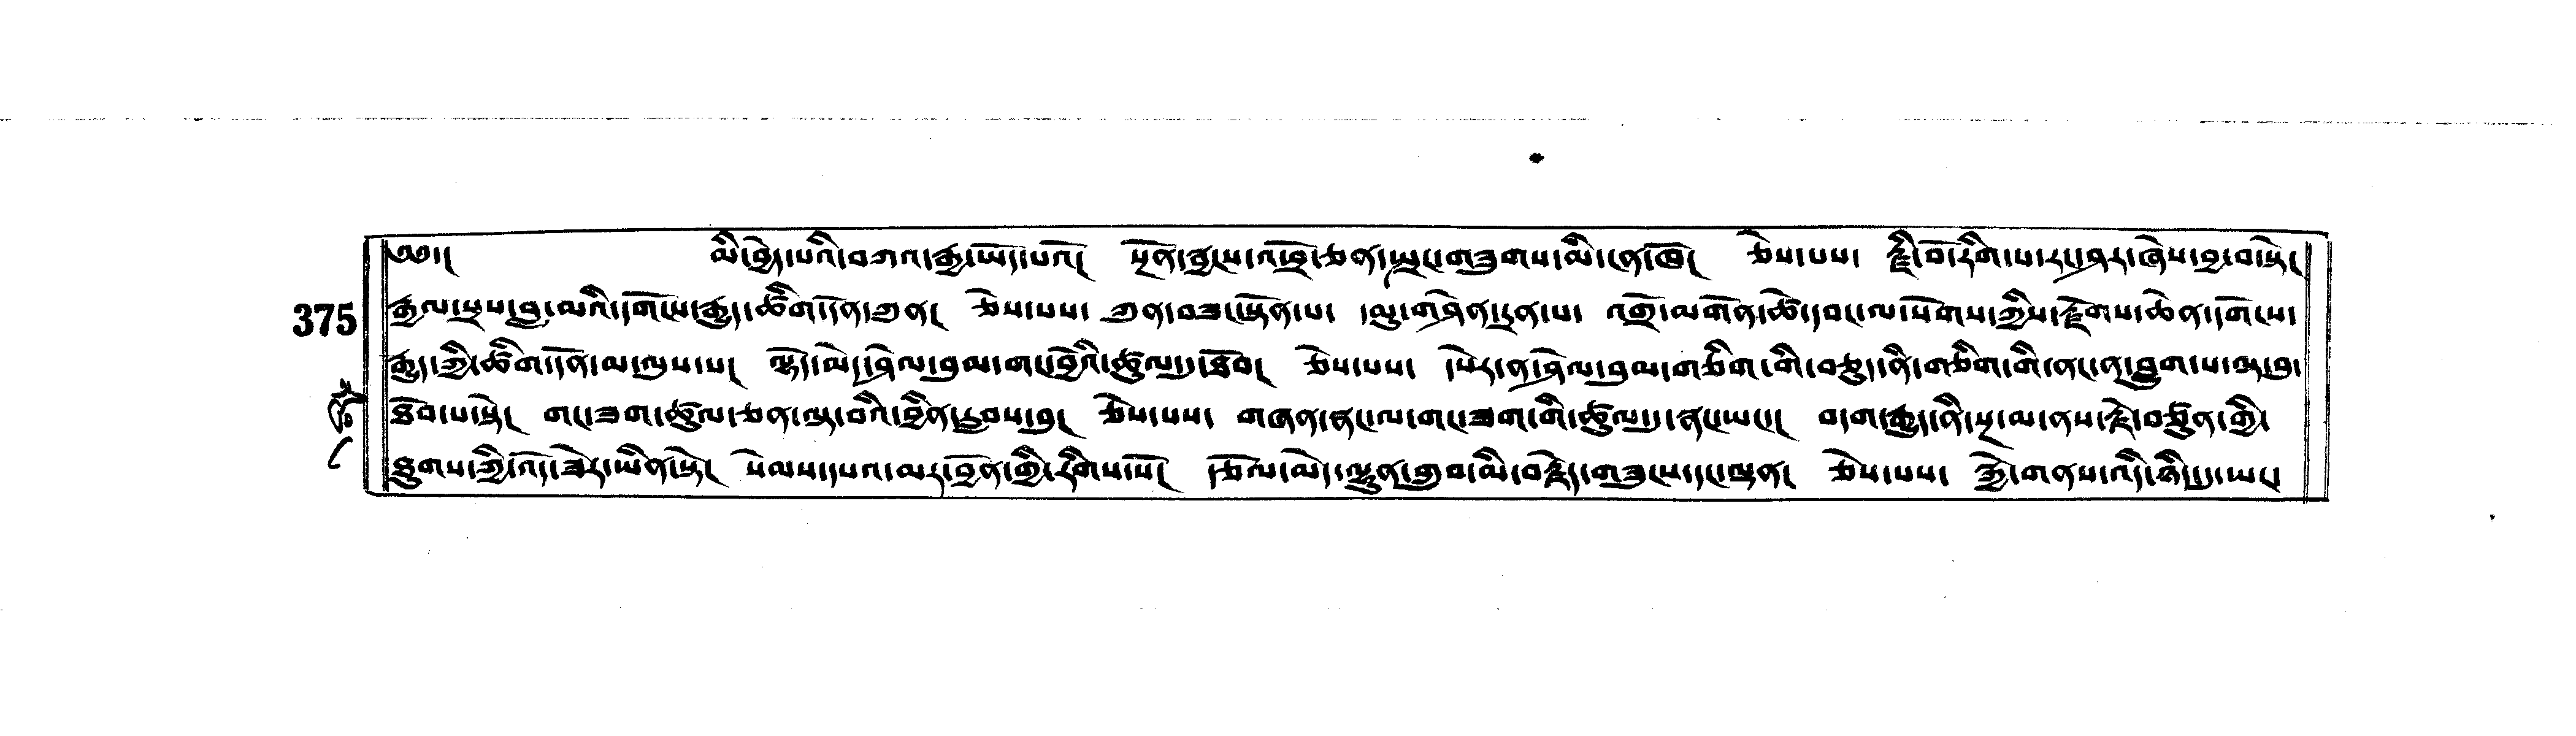མི་བྱེད་པའི་བཀའ་རྒྱ་ཡོད་པའོ། སྔོན་སྦྱངས་འཕྲོ་ཅན་སྤྲང་གཟུགས་མི་ངན་ཁོ། ཅེས་པས། རྫི་བོ་རིག་པ་རང་ཤར་ཞེས་བྱ་བ་སྟེ། 
རྒྱལ་སྲས་བླ་མའི་དགོངས་རྒྱུད་ཚིག་དོན་ཀུན། ཅེས་པས། ཀུན་བཟང་སྟོན་པ། དམུ་གཤེན་དྲན་པ། འགྲོ་མགོན་ཚེ་དབང་ལ་སོགས་ཀྱིས་རྫོགས་ཆེན་དགོངས་
རྒྱུད་ཀྱི་ཚིག་དོན་མ་ལུས་པ། ལྷོད་མེད་ཤེལ་བུམ་གང་བྱོའི་ཚུལ་དུ་ཐོབ། ཅེས་པས། དཔེར་ན་ཤེལ་བུམ་གཅིག་གི་བཅུད་ནི་གཅིག་གི་ནང་དུ་བླུགས་པ་ལྟ་བུ་
ཐོབ་པ་སྟེ། གང་ཟག་ཚུལ་ཅན་ལྟ་བའི་བྱིན་རླབས་བུ། ཅེས་པས། གཞན་སྣང་ལ་གང་ཟག་གི་ཚུལ་དུ་སྣང་ཡང་། བདག་རྒྱུད་ནི་སྔ་མ་ནས་རྗེ་བཙུན་གྱི་
ཐུགས་ཀྱི་འོད་ཟེར་ཡིན་ཏེ། སེམས་དཔའ་མར་བྱོན་གྱི་རིགས་སོ། རྩོལ་མེད་ལྷུན་གྲུབ་མི་བརྗེད་གཟུངས་དང་ལྡན། ཅེས་པས། སྐྱེ་གནས་འདི་ཉིད་དུ་ཡང་